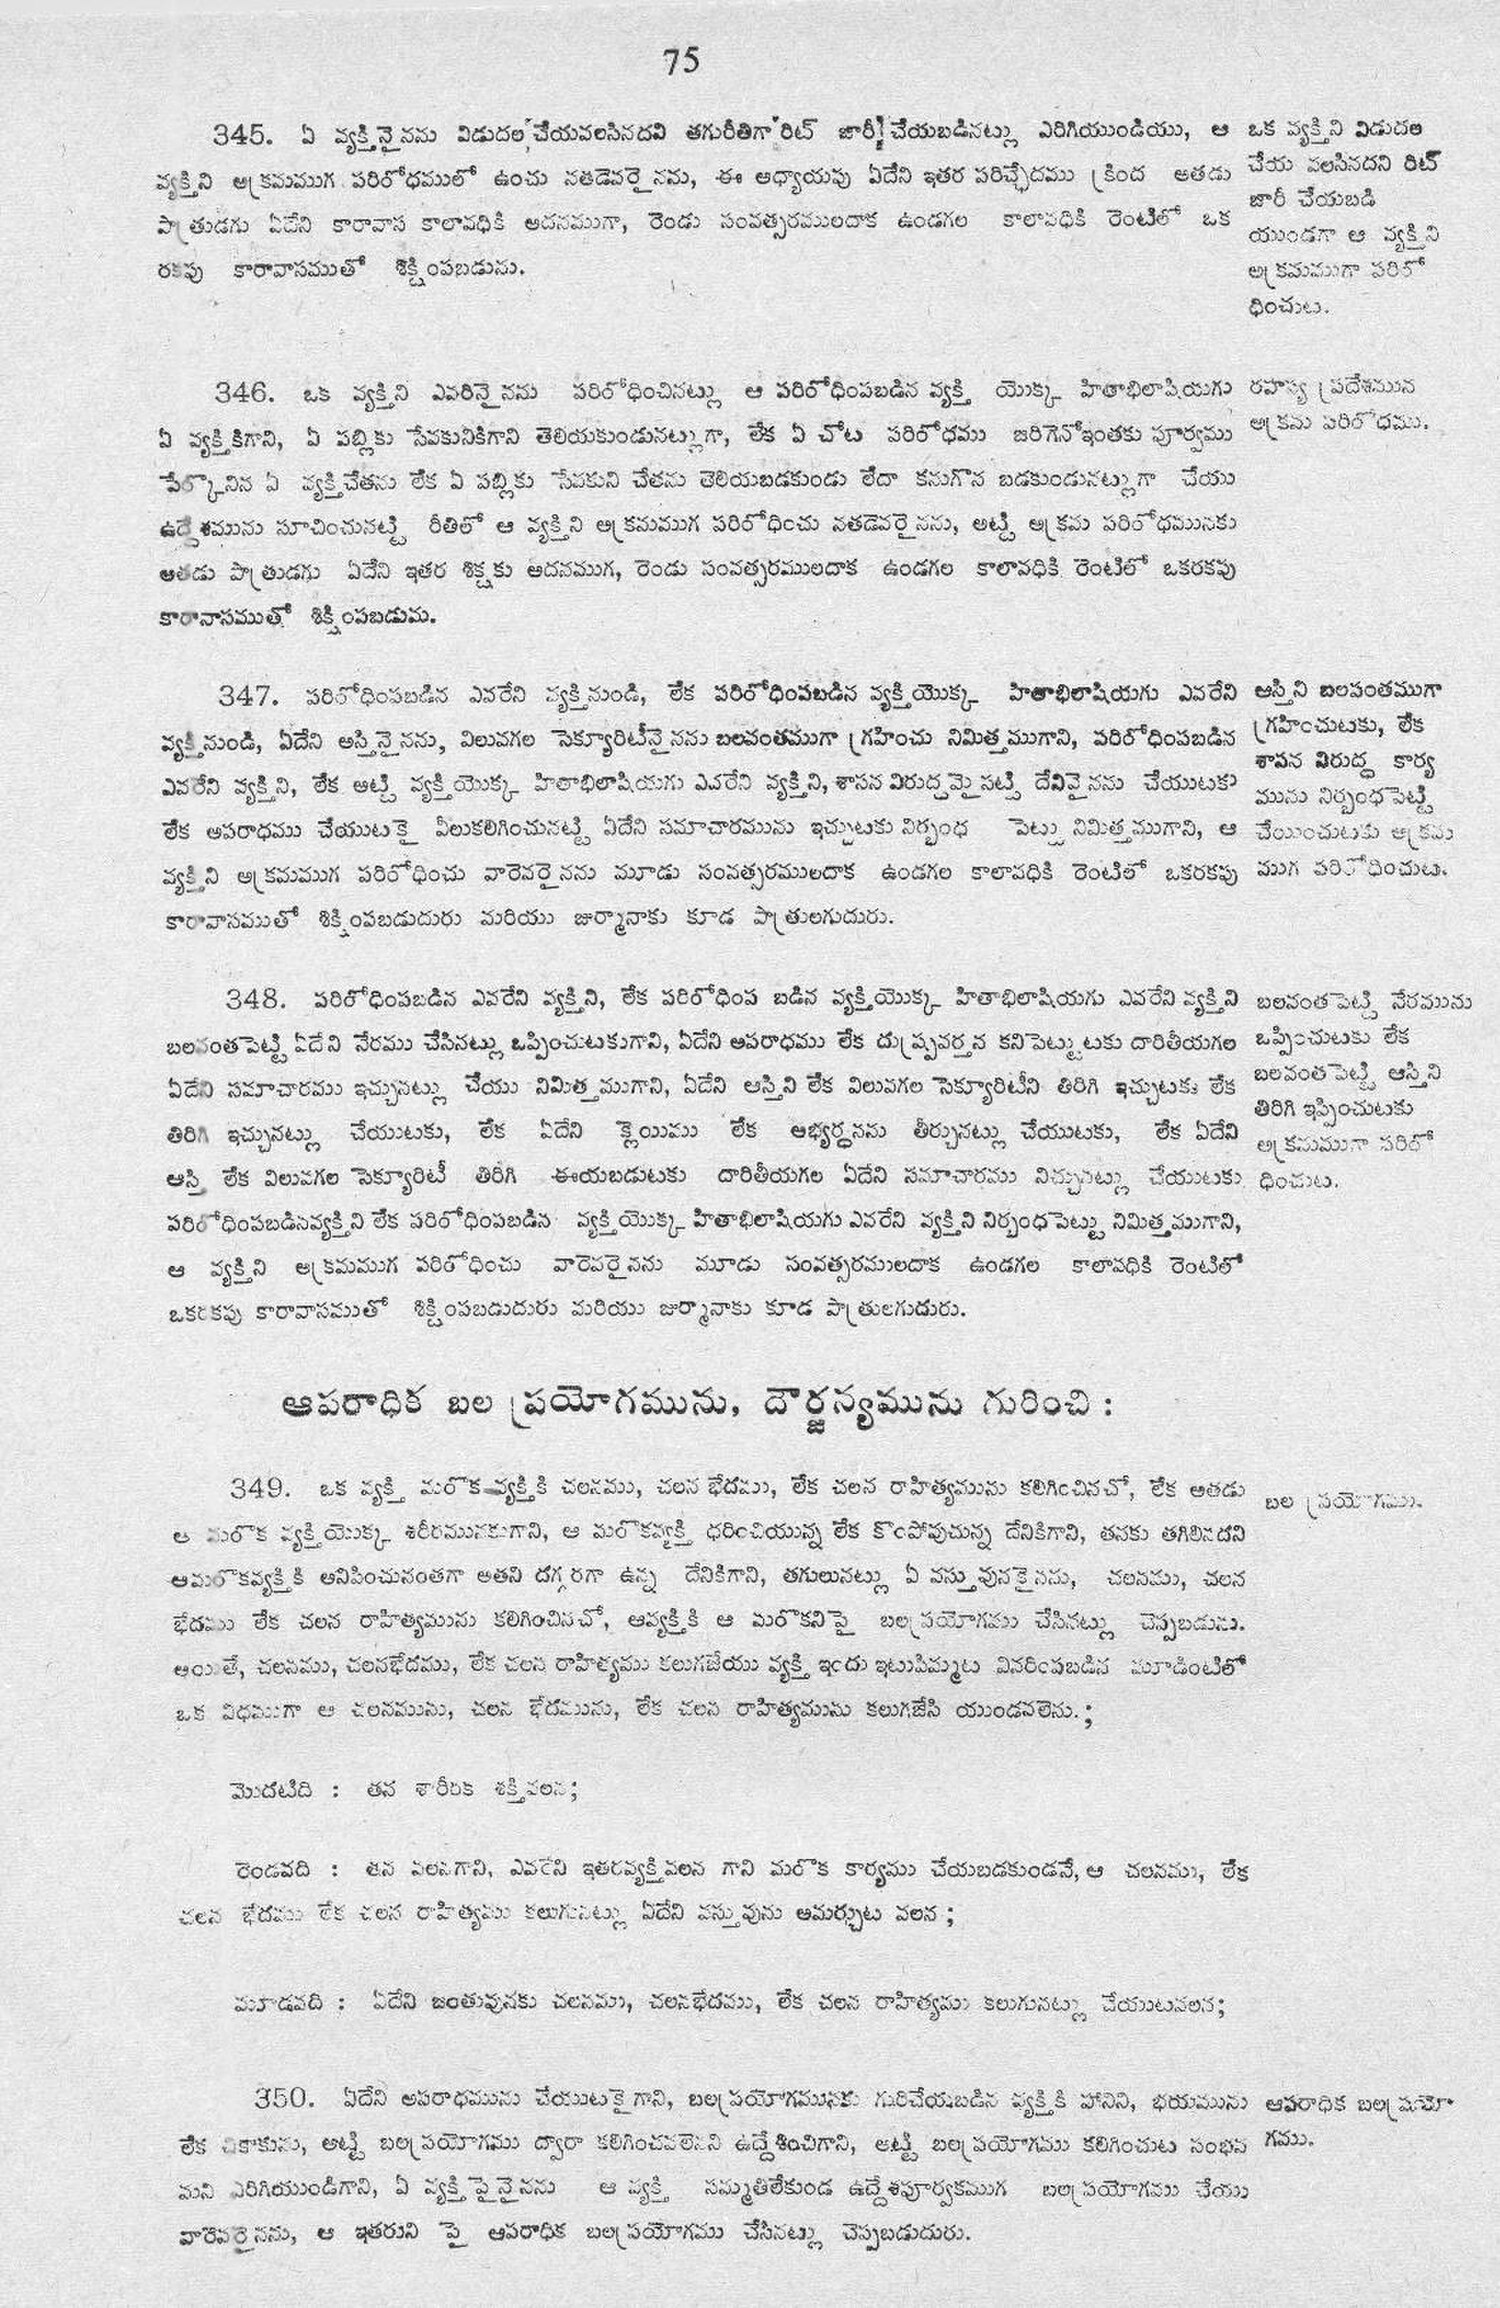ఒక వ్యక్తిని విడుదల చేయ వలసినదని రిట్ జారీ చేయబడి యుండగా ఆ వ్యక్తిని అక్రమముగా పరిరొధించుట.

345. ఏ వ్యక్తి నై నను విడుదల చేయవలసినదని తగురీతిగా రిట్ జారీ చేయబడినట్లు ఎరిగియుండియు, ఆ వ్యక్తిని అక్రమముగ పరిరోధములో ఉంచు నతడెవరైనను, ఈ ఆధ్యాయపు ఏదేని ఇతర పరిచ్ఛేదము క్రింద అతడు పాత్రుడగు ఏదేని కారావాస కాలావధికి అదనముగా, రెండు సంవత్సరములదాక ఉండగల కాలావధికి రెంటిలో ఒక రకపు కారావాసముతో శిక్షింపబడును.

రహస్య ప్రదేశమున అక్రమ పరిరోధము,

346. ఒక వ్యక్తిని ఎవరినై నను పరిరోధించినట్లు ఆ పరిరోధింపబడిన వ్యక్తి యొక్క హితాభిలాపియగు ఏ వ్యక్తి కిగాని, ఏ పబ్లికు సేవకునికి గాని తెలియకుండునట్లుగా, లేక ఏ చోట పరిరోధము జరిగెనో ఇంతకు పూర్వము పేర్కొనిన ఏ వ్యక్తి చేతను లేక ఏ పబ్లికు సేవకుని చేతను తెలియబడకుండు లేదా కనుగొన బడకుండునట్లుగా చేయు ఉద్దేశమును సూచించునట్టి రీతిలో ఆ వ్యక్తిని అక్రమముగ పరిరోధించు నతడెవరైనను, అట్టి అక్రపు పరిరోధమునకు ఆతడు పాత్రుడగు ఏదేని ఇతర శిక్షకు అదనముగ, రెండు సంవత్సరముల దాక ఉండగల కాలావధికి రెంటిలో ఒకరకపు కారావాసముతో శిక్షింపబడును

ఆస్తిని బలవంతముగా గ్రహించుటకు, లేక శాసన విరుద్ధ కార్యమును నిర్బంధ పెట్టి చేయించుటకు అక్రమముగ పరిశోధించుట.

347. పరిశోధింపబడిన ఎవరేని వ్యక్తి నుండి, లేక పరిరోధింపబడిన వ్యక్తి యొక్క హితాభిలాషియగు ఎవరేని వ్యక్తి నుండి, ఏదేని ఆస్తి నైనను, విలువగల సెక్యూరిటీనై నను బలవంతముగా గ్రహించు నిమిత్త ముగాని, పరిరోధింపబడిన ఎవరేని వ్యక్తిని, లేక అట్టి వ్యక్తి యొక్క హిఠాభిలాషియగు ఎవరేని వ్యక్తిని, శాసన విరుద్ధమై సట్టి దేనినై నను చేయుటకు లేక అపరాధము చేయుటకై వీలుకలిగించునట్టి ఏదేని సమాచారమును ఇచ్చుటకు నిర్బంధ పెట్టు నిమిత్త ముగాని, ఆ వ్యక్తిని అక్రమముగ పరిరోధించు వారెవరైనను మూడు సంవత్సరములదాక ఉండగల కాలావధికి రెంటిలో ఒకరకపు కారావాసముతో శిక్షింపబడుదురు మరియు జుర్మానాకు కూడ పాత్రులగుదురు.

బలవంత పెట్టి నేరమును ఒప్పించుటకు లేక బలవంత పెట్టి ఆస్తిని తిరిగి ఇప్పించుటకు అక్రమముగా పరిరొదించుట.

348. పరిరోధింపబడిన ఎవరేని వ్యక్తిని, లేక పరిరోధింప బడిన వ్యక్తి యొక్క హితాభిలాషియగు ఎవరేని వ్యక్తిని బలవంత పెట్టి ఏదేని నేరము చేసినట్లు ఒప్పించటకుగాని, ఏదేని అపరాధము లేక దుష్ప్రవర్తన కని పెట్టుటకు దారితీయగల ఏదేని సమాచారము ఇచ్చునట్లు చేయు నిమిత్త ముగాని, ఏదేని ఆస్తిని లేక విలువగల సెక్యూరిటీని తిరిగి ఇచ్చుటకు లేక తిరిగి ఇచ్చునట్లు చేయుటకు, లేక
ఏదేని క్లెయిము లేక అభ్యర్ధనను తీర్చునట్లు చేయుటకు, లేక ఏదేని ఆస్తి లేక విలువగల సెక్యూరిటీ తిరిగి ఈయబడుటకు దారితీయగల ఏదేని సమాచారము నిచ్చునట్లు చేయుటకు పరిరోధింపబడిన వ్యక్తి ని లేక పరిరోధింపబడిన వ్యక్తి యొక్క హితా భిలాషియగు ఎవరేని వ్యక్తిని నిర్బంధ పెట్టు నిమిత్త ముగాని, ఆ వ్యక్తిని అక్రమముగ పరిశోధించు వారెవరైనను మూడు సంవత్సరములదాక ఉండగల కాలావధికి రెంటిలో ఒక రకపు కారావాసముతో శిక్షింపబడుదురు మరియు జుర్మానాకు కూడ పాత్రులగుదురు.

బల ప్రయోగము

349. ఒక వ్యక్తి మరొక వ్యక్తి కి చలనము, చలన భేదము, లేక చలన రాహిత్యమును కలిగించిన చో, లేక అతడు ఆ మరొక వ్యక్తి యొక్క శరీరమునకు గాని, ఆ మరొకవ్యక్తి ధరించియున్న లేక కొనిపోవుచున్న దేనికిగాని, తనకు తగిలినదని ఆ మరొకవ్యక్తి కి అనిపించునంతగా అతని దగ్గరగా ఉన్న దేనికిగాని, తగులునట్లు ఏ వస్తు వునకైనను, చలనము, చలన భేదము లేక చలన రాహిత్యమును కలిగించిన చో, ఆవ్యక్తి కి ఆ మరొకని పై బల ప్రయోగము చేసినట్లు చెప్పబడును. అంతే, చలనము, చలన భేదము, లేక చలన రాహిత్యము కలుగజేయు వ్యక్తి ఇందు ఇటు పిమ్మట వివరింపబడిన మూడింటిలో ఒక విధముగా ఆ చలనమును, చలన భేదమును, లేక చలని రాహిత్యమును కలుగ జేసి యుండవలెను. ;

మొదటిది : తన శారీరక శక్తి వలన;

రెండవది : తన వలన గాని, ఎవరేని ఇతర వ్యక్తి వలన గాని మరొక కార్యము చేయబడకుండనే, ఆ చలనము, లేక చలన భేదము లేక చలన రాహిత్యము కలుగునట్లు ఏదేని వస్తువును అమర్చుట వలన ;

మూడవది : ఏదేని జంతువునకు చలనము, చలన భేదము , లేక చలన రాహిత్యము కలుగునట్లు చేయుటవలన;

అపరాధిక బల ప్రయోగము.

350. ఏదేని అపరాధమును చేయుటకై గాని, బల ప్రయోగమునకు గురిచేయబడిన వ్యక్తికి హానిని, భయమును లేక చికాకును, అట్టి బలప్రయోగము ద్వారా కలిగించవలెనని ఉద్దేశించిగాని, అట్టి బల ప్రయోగము కలిగించుట సంభవ మని ఎరిగియుండిగాని, ఏ వ్యక్తి పై నైనను ఆ వ్యక్తి సమ్మతి లేకుండ ఉద్దేశపూర్వకముగ బల ప్రయోగము చేయు వారెవరైనను, ఆ ఇతరుని పై అపరాధిక బల ప్రయోగము చేసినట్లు చెప్పబడుదురు.